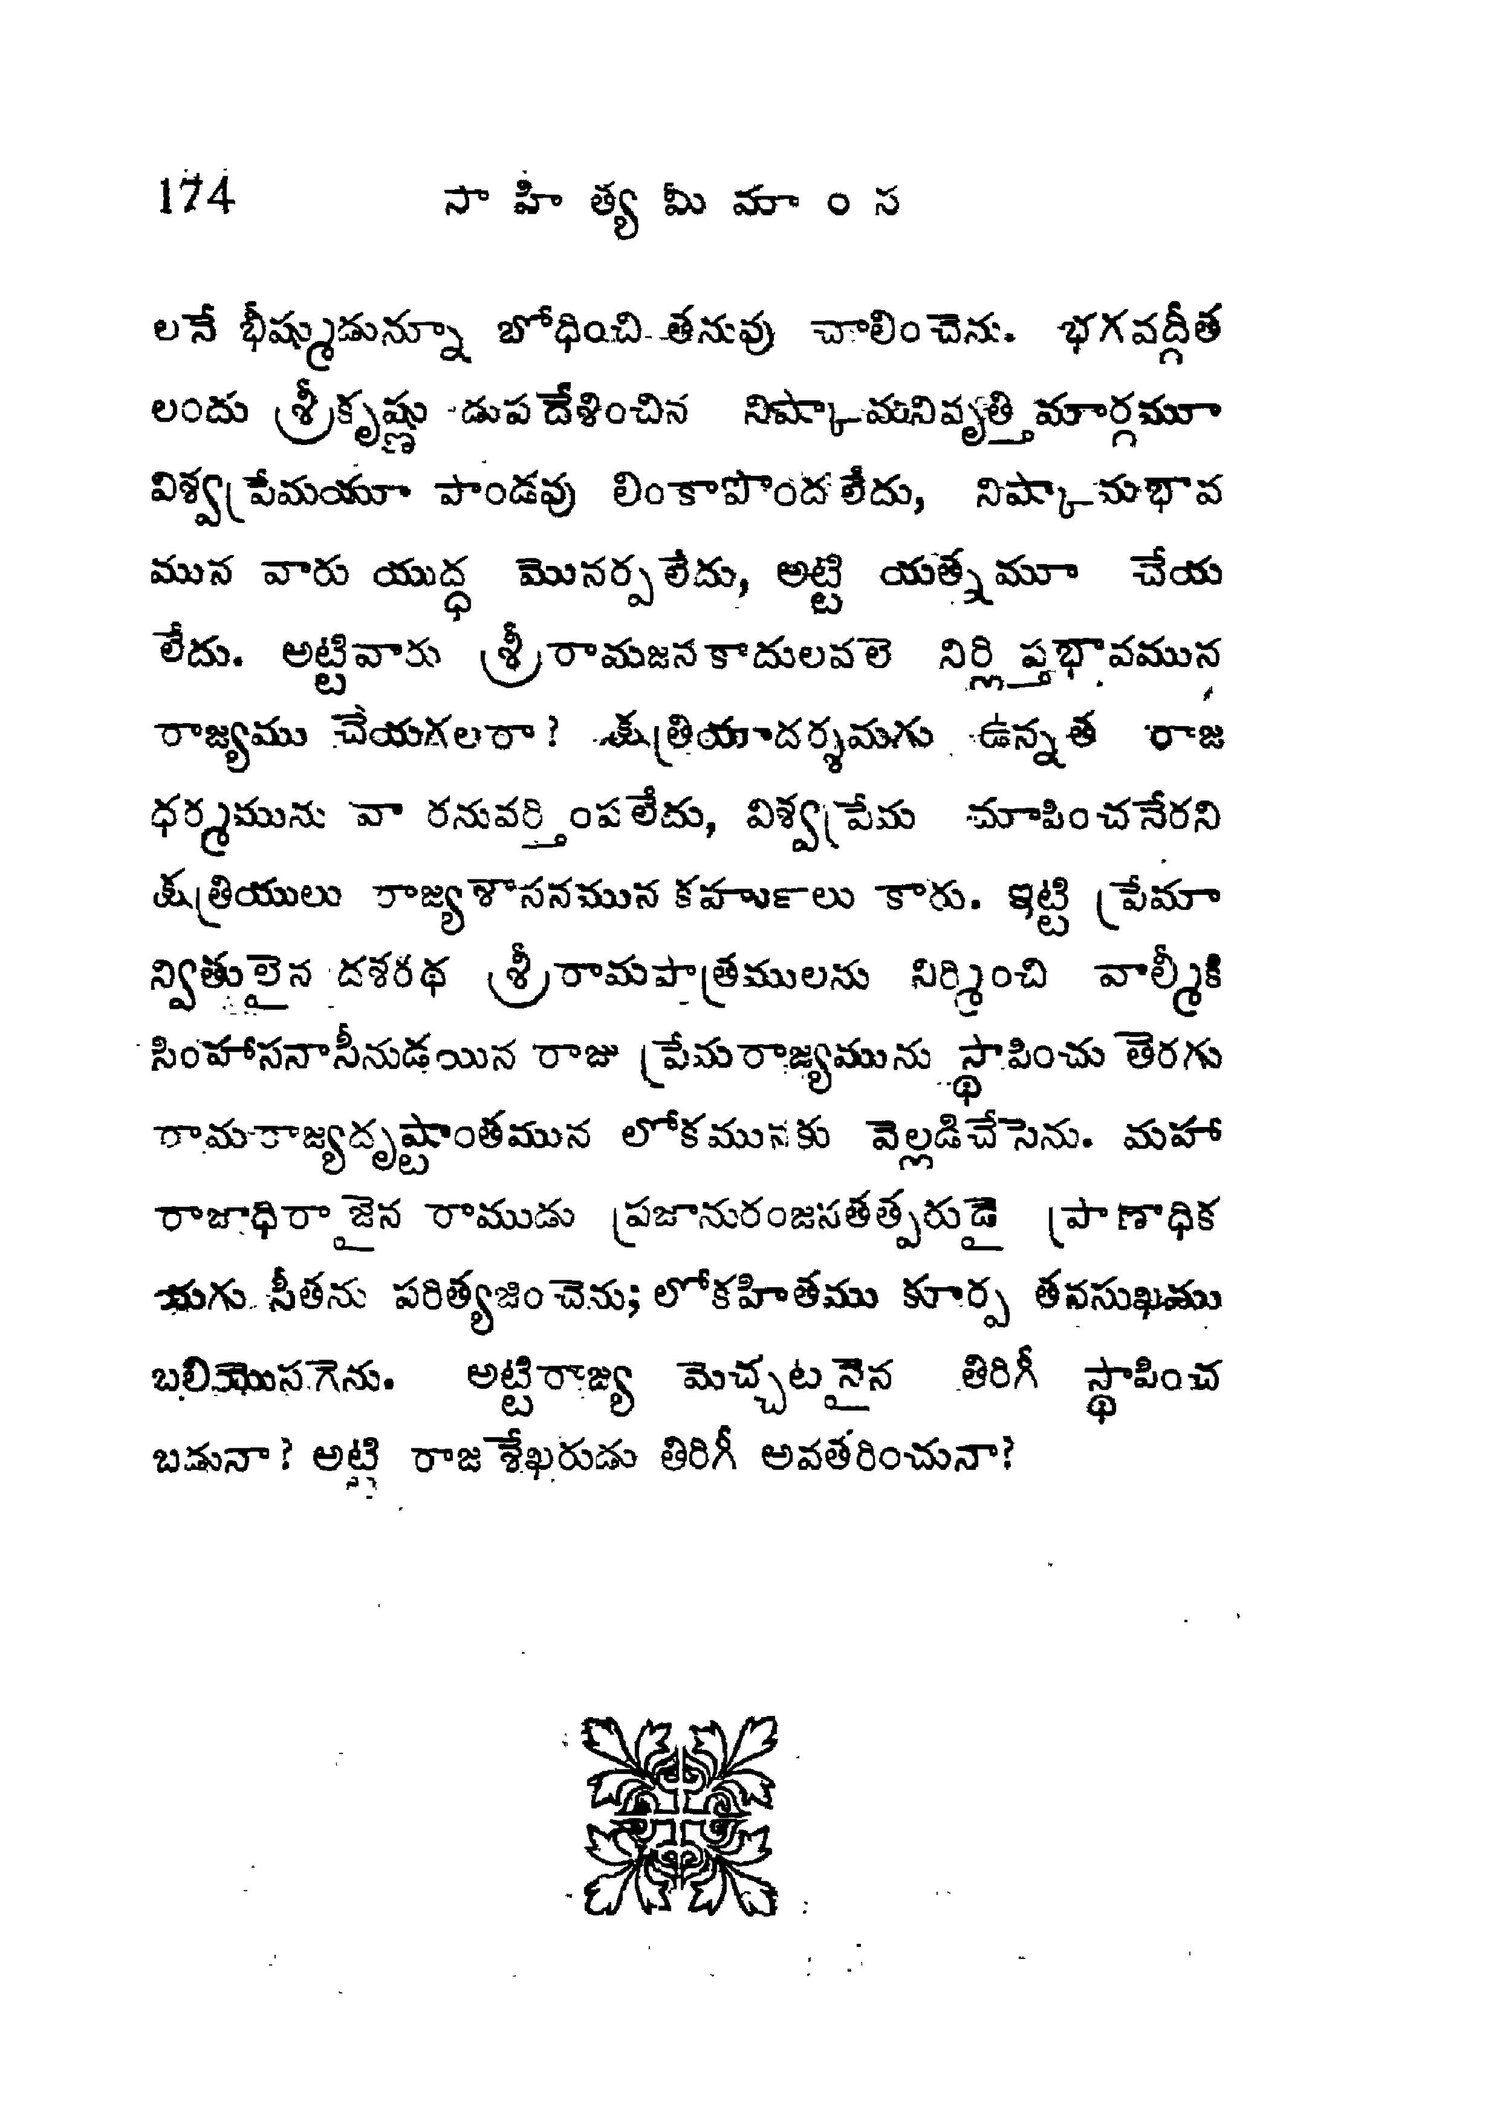లనే భీష్ముడున్నూ బోధించి తనువు చాలించెను. భగవద్గీత లందు శ్రీకృష్ణు డుపదేశించిన నిష్కామనివృత్తిమార్గమూ విశ్వప్రేమయూ పాండవు లింకాపొందలేదు, నిష్కామభావమున వారు యుద్ధ మొనర్పలేదు, అట్టి యత్నమూ చేయలేదు. అట్టివారు శ్రీరామజనకాదులవలె నిర్లిప్తభావమున రాజ్యము చేయగలరా? క్షత్రియాదర్శమగు ఉన్నత రాజ ధర్మమును వా రనువర్తింపలేదు, విశ్వప్రేమ చూపించనేరని క్షత్రియులు రాజ్యశాసనమున కహున్‌లు కారు. ఇట్టి ప్రేమాన్వితులైన దశరథ శ్రీరామపాత్రములను నిర్మించి వాల్మీకి సింహాసనాసీనుడయిన రాజు ప్రేమరాజ్యమును స్థాపించు తెరగు రామరాజ్యదృష్టాంతమున లోకమునకు వెల్లడిచేసెను. మహారాజాధిరాజైన రాముడు ప్రజానురంజసతత్పరుడై ప్రాణాధిక యగు సీతను పరిత్యజించెను; లోకహితము కూర్ప తనసుఖము బలియొసగెను. అట్టిరాజ్య మెచ్చటనైన తిరిగీ స్థాపించబడునా? అట్టి రాజశేఖరుడు తిరిగీ అవతరించునా?